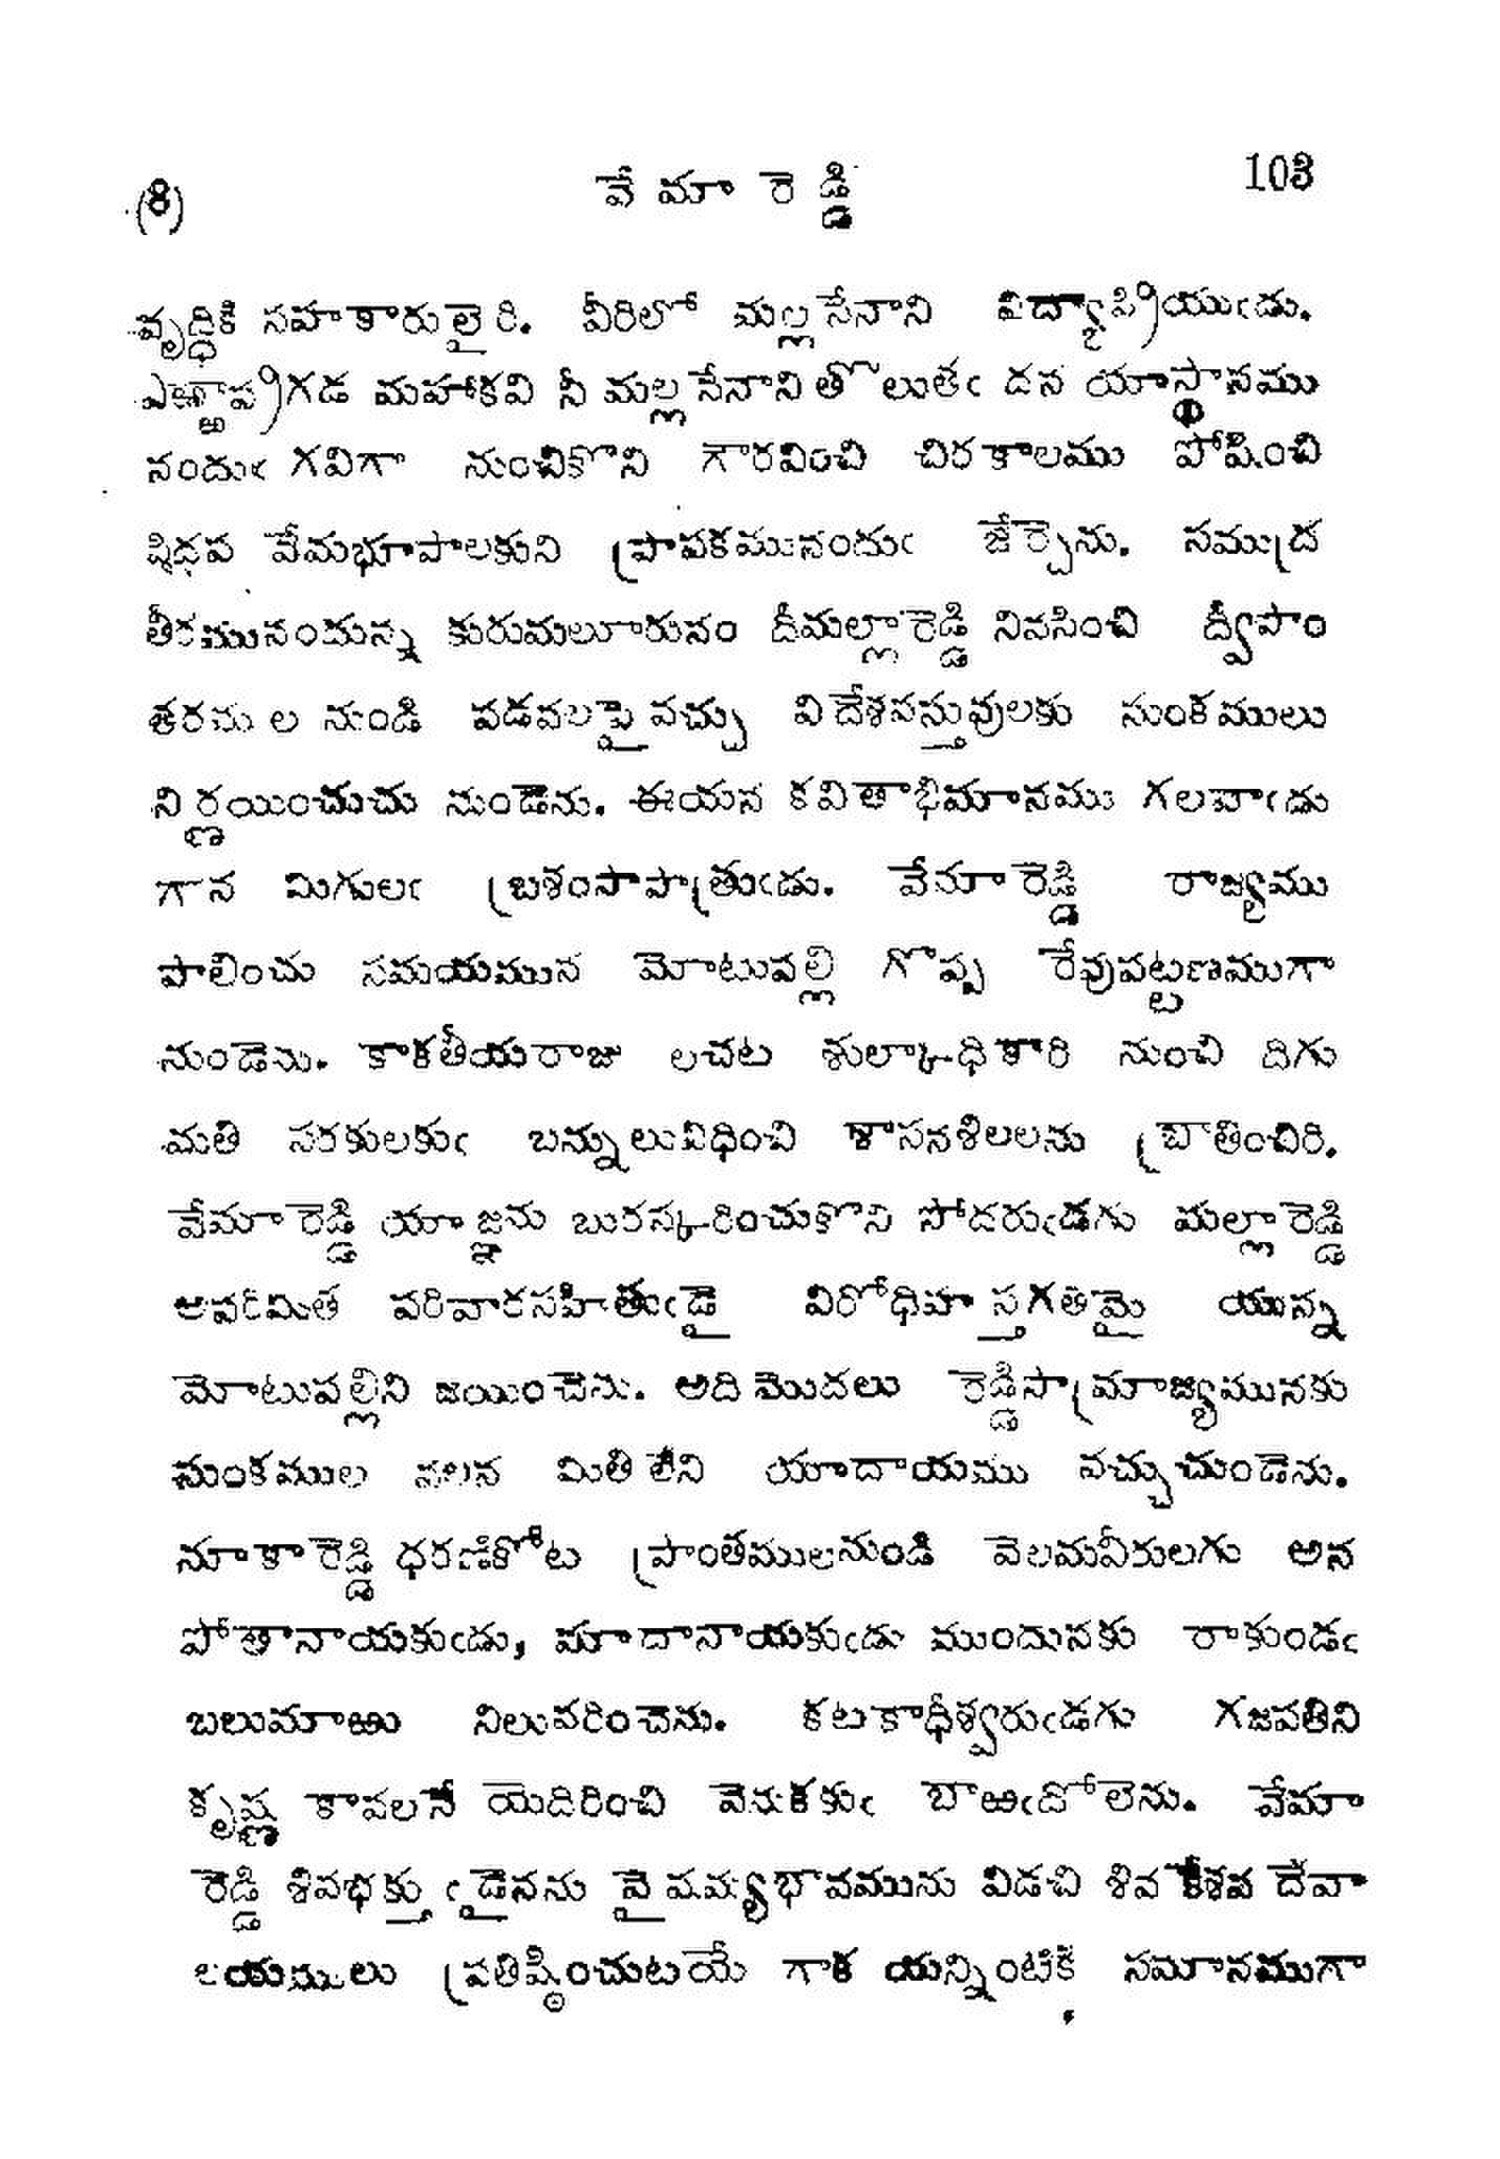వృద్ధికి సహకారులైరి. వీరిలో మల్లసేనాని విద్యాప్రియుడు. ఎఱ్ఱాప్రగడ మహాకవి నీ మల్లసేనాని తొలుత దన యాస్థానము నందు గవిగా నుంచికొని గౌరవించి చిరకాలము పోషించి పిదప వేమభూపాలకుని ప్రాపకమునందు జేర్చెను. సముద్రతీరమునందున్న కురుమలూరునం దీమల్లారెడ్డి నివసించి ద్వీపాంతరముల నుండి పడవలపైవచ్చు విదేశవస్తువులకు సుంకములు నిర్ణయించుచు నుండెను. ఈయన కవితాభిమానము గలవాడు గాన మిగుల బ్రశంసాపాత్రుడు. వేమారెడ్డి రాజ్యము పాలించు సమయమున మోటుపల్లి గొప్ప రేవుపట్టణముగా నుండెను. కాకతీయరాజు లచట శుల్కాధికారి నుంచి దిగుమతి సరకులకు బన్నులువిధించి శాసనశిలలను బ్రాతించిరి. వేమారెడ్డి యాజ్ఞను బురస్కరించుకొని సోదరుడగు మల్లారెడ్డి అపరిమిత పరివారసహితుడై విరోధిహస్తగతమై యున్న మోటుపల్లిని జయించెను. అది మొదలు రెడ్డిసామ్రాజ్యమునకు సుంకముల వలన మితిలేని యాదాయము వచ్చుచుండెను. నూకారెడ్డి ధరణికోట ప్రాంతములనుండి వెలమవీరులగు అనపోతానాయకుడు, మాదానాయకుడు ముందునకు రాకుండ బలుమాఱు నిలువరించెను. కటకాధీశ్వరుడగు గజపతిని కృష్ణ కావలనే యెదిరించి వెనుకకు బాఱదోలెను. వేమారెడ్డి శివభక్తుడైనను వైషమ్యభావమును విడచి శివకేశవ దేవాలయములు ప్రతిష్ఠించుటయే గాక యన్నింటికి సమానముగా